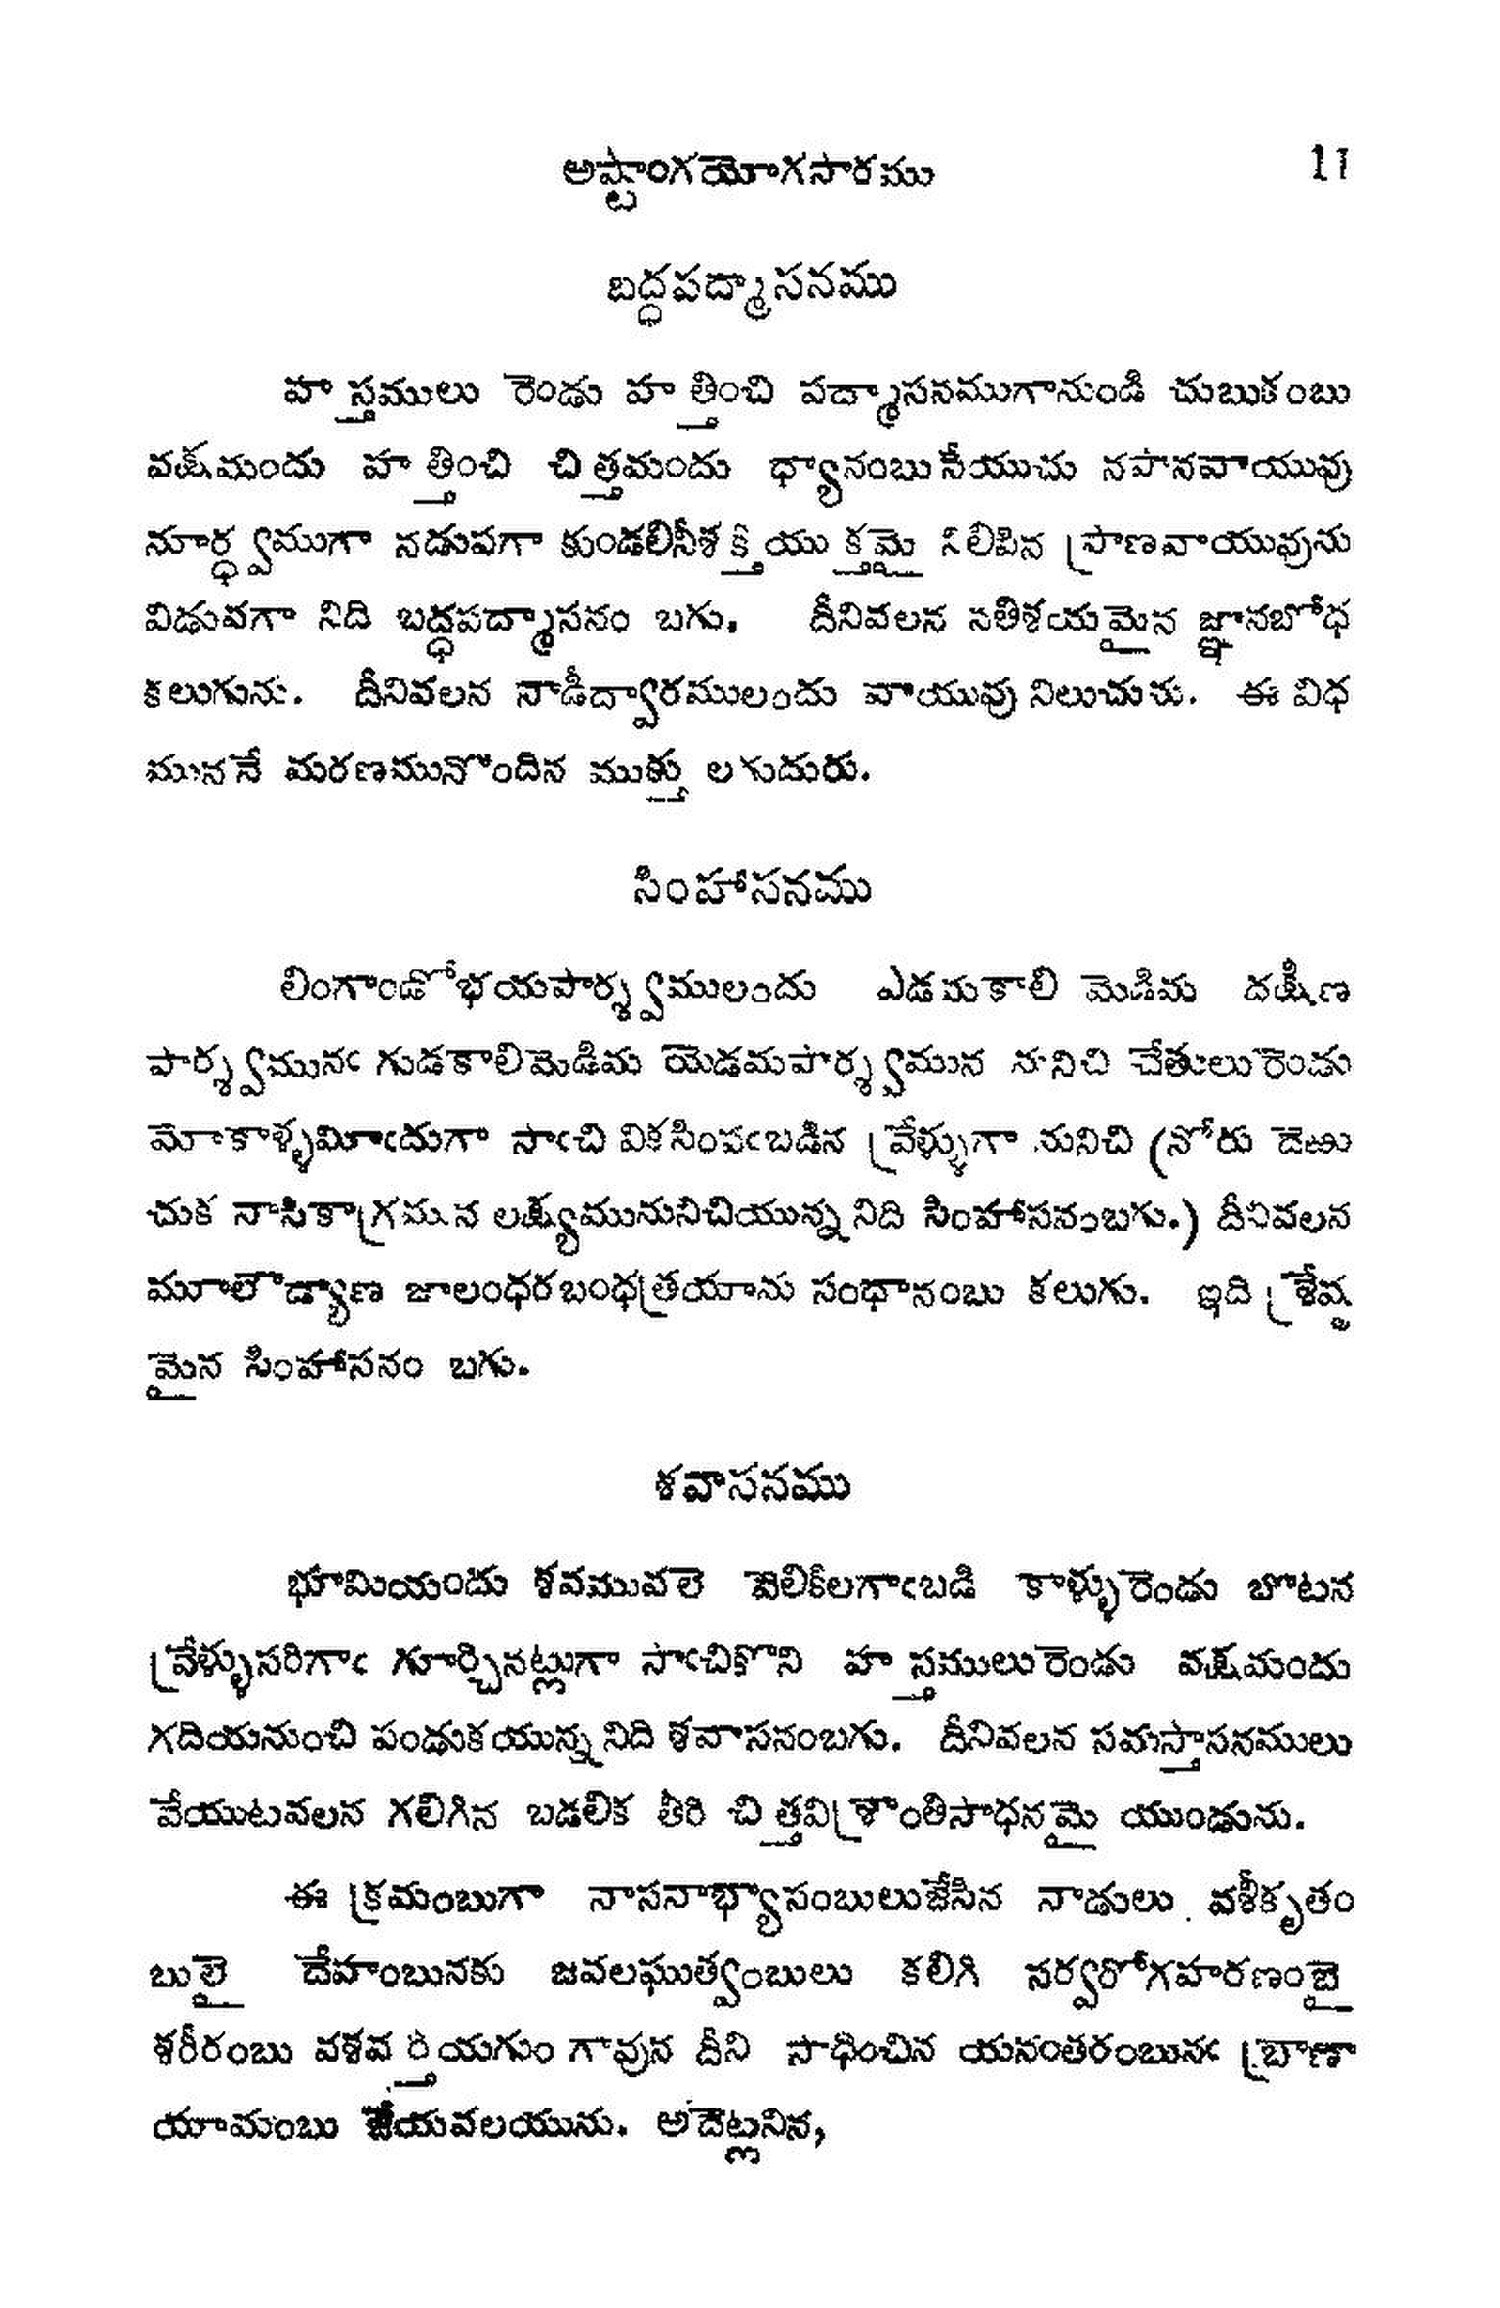హస్తములు రెండు హత్తించి పద్మాసనముగా నుండి చుబుకంబు వక్షమందు హత్తించి చిత్తమందు ధ్యానంబు సేయుచు నపానవాయువు నూర్ధ్వముగా నడుపగా కుండలినీశక్తియుక్తమై నిలిపిన ప్రాణవాయువును
విడువగా నిది బద్ధపద్మాసనం బగు. దీనివలన నతిశయమైన జ్ఞానబోధ కలుగును. దీనివలన నాడీద్వారములందు వాయువు నిలుచును. ఈ విధముననే మరణమునొందిన ముక్తు లగుదురు.

లింగాండోభయపార్శ్వములందు ఎడమకాలి మెడిమ దక్షిణపార్శ్వమునఁ గుడికాలిమెడిమ యెడమపార్శ్వమున నునిచి చేతులురెండు మోకాళ్ళమీఁదుగా సాఁచి వికసింపఁబడిన వ్రేళ్ళుగా నునిచి (నోరు దెఱుచుక నాసికాగ్రమున లక్ష్యము నునిచియున్న నిది సింహాసనం బగు.) దీనివలన మూలౌడ్యాణజాలంధరబంధత్రయానుసంధానంబు కలుగు. ఇది శ్రేష్టమైన సింహాసనం బగు.

భూమియందు శవమువలె వెలికలగాఁ బడి కాళ్ళురెండు బొటనవ్రేళ్ళు సరిగాఁ గూర్చినట్లుగా సాఁచికొని హస్తములురెండు వక్షమందు గదియనుంచి పండుకయున్న నిది శవాసనం బగు. దీనివలన సమస్తాసనములు వేయుటవలన గలిగిన బడలిక తీరి చిత్తవిశ్రాంతిసాధనమై యుండును.

ఈ క్రమంబుగా నాసనాభ్యాసంబులుజేసిన నాడులు వశీకృతంబులై దేహంబునకు జవలఘుత్వంబులు కలిగి సర్వరోగహరణంబై శరీరంబు వశపర్తి యగుం గావున దీని సాధించిన యనంతరంబునఁ బ్రాణాయామంబు జేయవలయును. అదెట్లనిన,